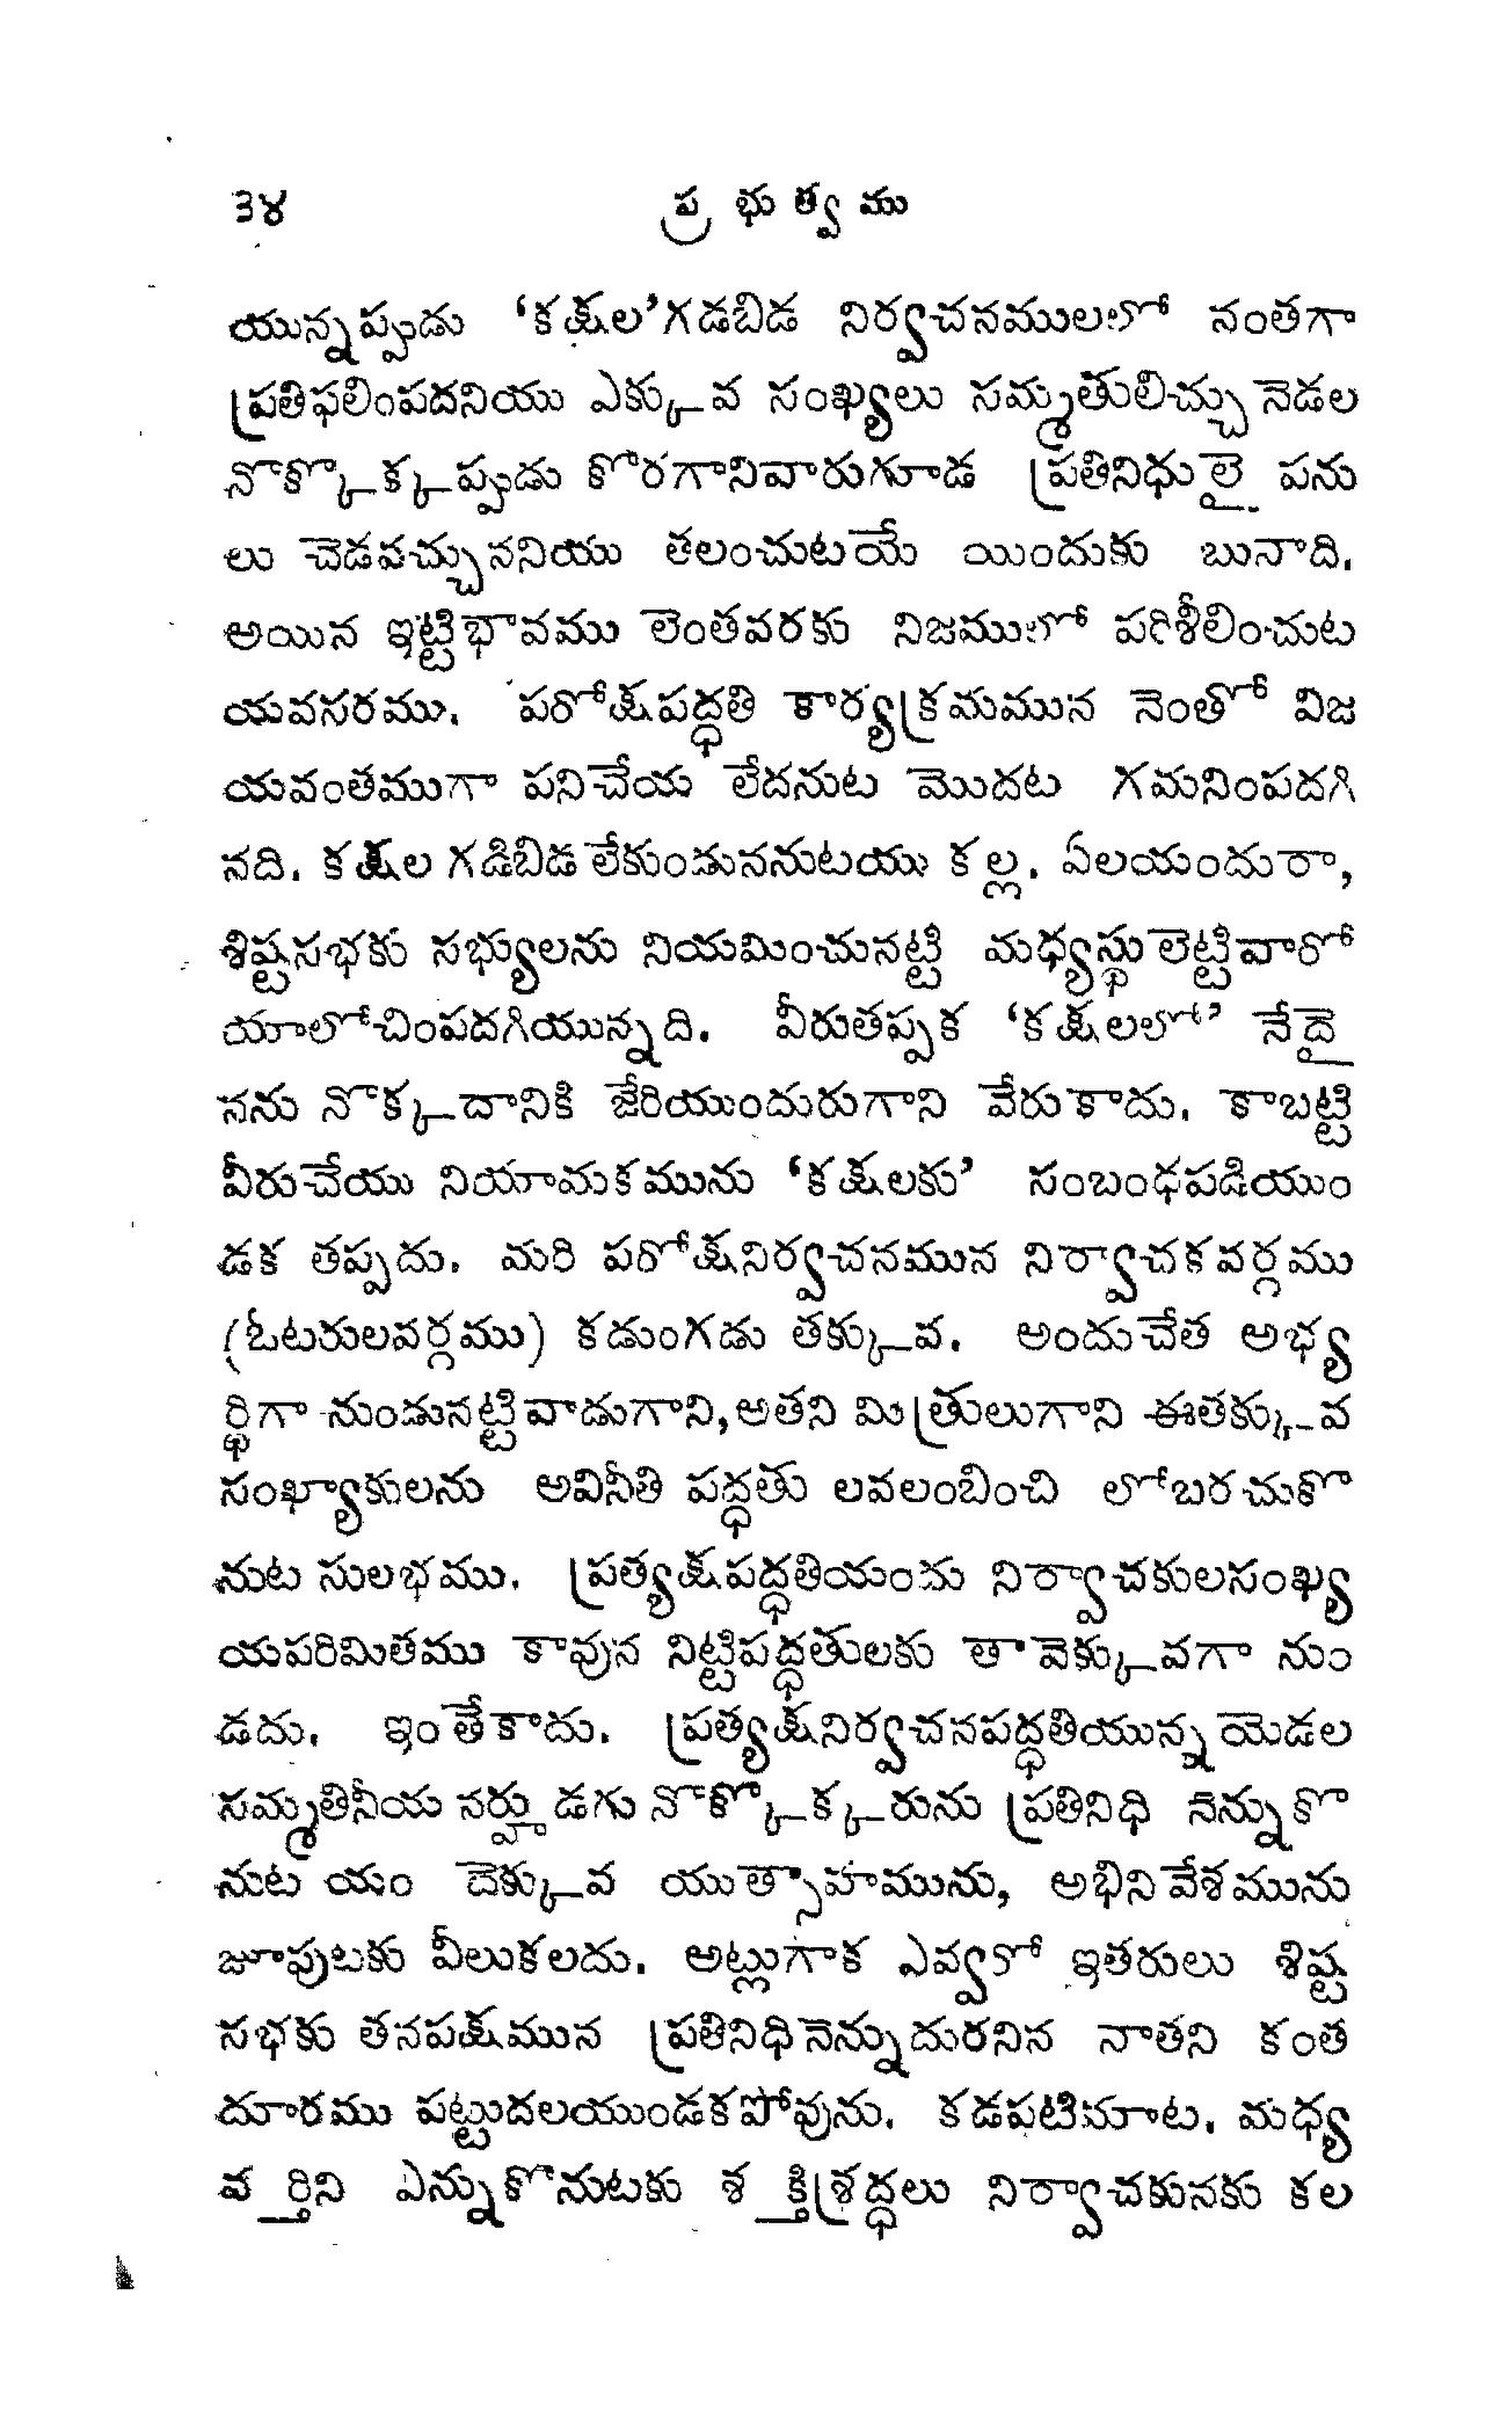యున్నప్పుడు 'కక్షల గడబిడ నిర్వచనములలో నంతగా ప్రతిఫలింపదనియు ఎక్కువ సంఖ్యలు సమ్మతులిచ్చు నెడల నొక్కొక్కప్పుడు కొరగానివారుగూడ ప్రతినిధులై పనులు చెడవచ్చుననియు తలంచుటయే యిందుకు బునాది. అయిన ఇట్టిభావము లెంతవరకు నిజములో పరిశీలించుట
యవసరము. పరోక్షపద్ధతి కార్యక్రమమున నెంతో విజయవంతముగా పనిచేయ లేదనుట మొదట గమనింపదగినది. కక్షల గడిబిడ లేకుండుననుటయు కల్ల. ఏలయందురా, శిష్టసభకు సభ్యులను నియమించునట్టి మధ్యస్థులెట్టివారో యాలోచింపదగియున్నది. వీరుతప్పక 'కక్షలలో' నేదైనను నొక్కదానికి జేరియుందురుగాని వేరుకాదు. కాబట్టి వీరుచేయు నియామకమును 'కక్షలకు' సంబంధపడియుండక తప్పదు. మరి పరోక్షనిర్వచనమున నిర్వాచకవర్గము (ఓటరులవర్గము) కడుంగడు తక్కువ. అందుచేత అభ్యర్థిగా నుండునట్టివాడుగాని, అతని మిత్రులుగాని ఈతక్కువ
సంఖ్యాకులను అవినీతి పద్ధతు లవలంబించి లోబరచుకొనుట సులభము. ప్రత్యక్షపద్ధతియందు నిర్వాచకులసంఖ్య యపరిమితము కావున నిట్టిపద్ధతులకు తావెక్కువగా నుండదు. ఇంతేకాదు. ప్రత్యక్షనిర్వచనపద్ధతియున్న యెడల సమ్మతినీయ నర్హుడగు నొక్కొక్కరును ప్రతినిధి నన్నుకొనుట యం దెక్కువ యుత్సాహమును, అభినివేశమును జూపుటకు వీలుకలదు. అట్లుగాక ఎవ్వరో ఇతరులు శిష్ట
సభకు తనపక్షమున ప్రతినిధినెన్నుదురనిన నాతని కంత దూరము పట్టుదలయుండకపోవును. కడపటిమాట. మధ్యవర్తిని ఎన్నుకొనుటకు శక్తిశ్రద్ధలు నిర్వాచకునకు కల